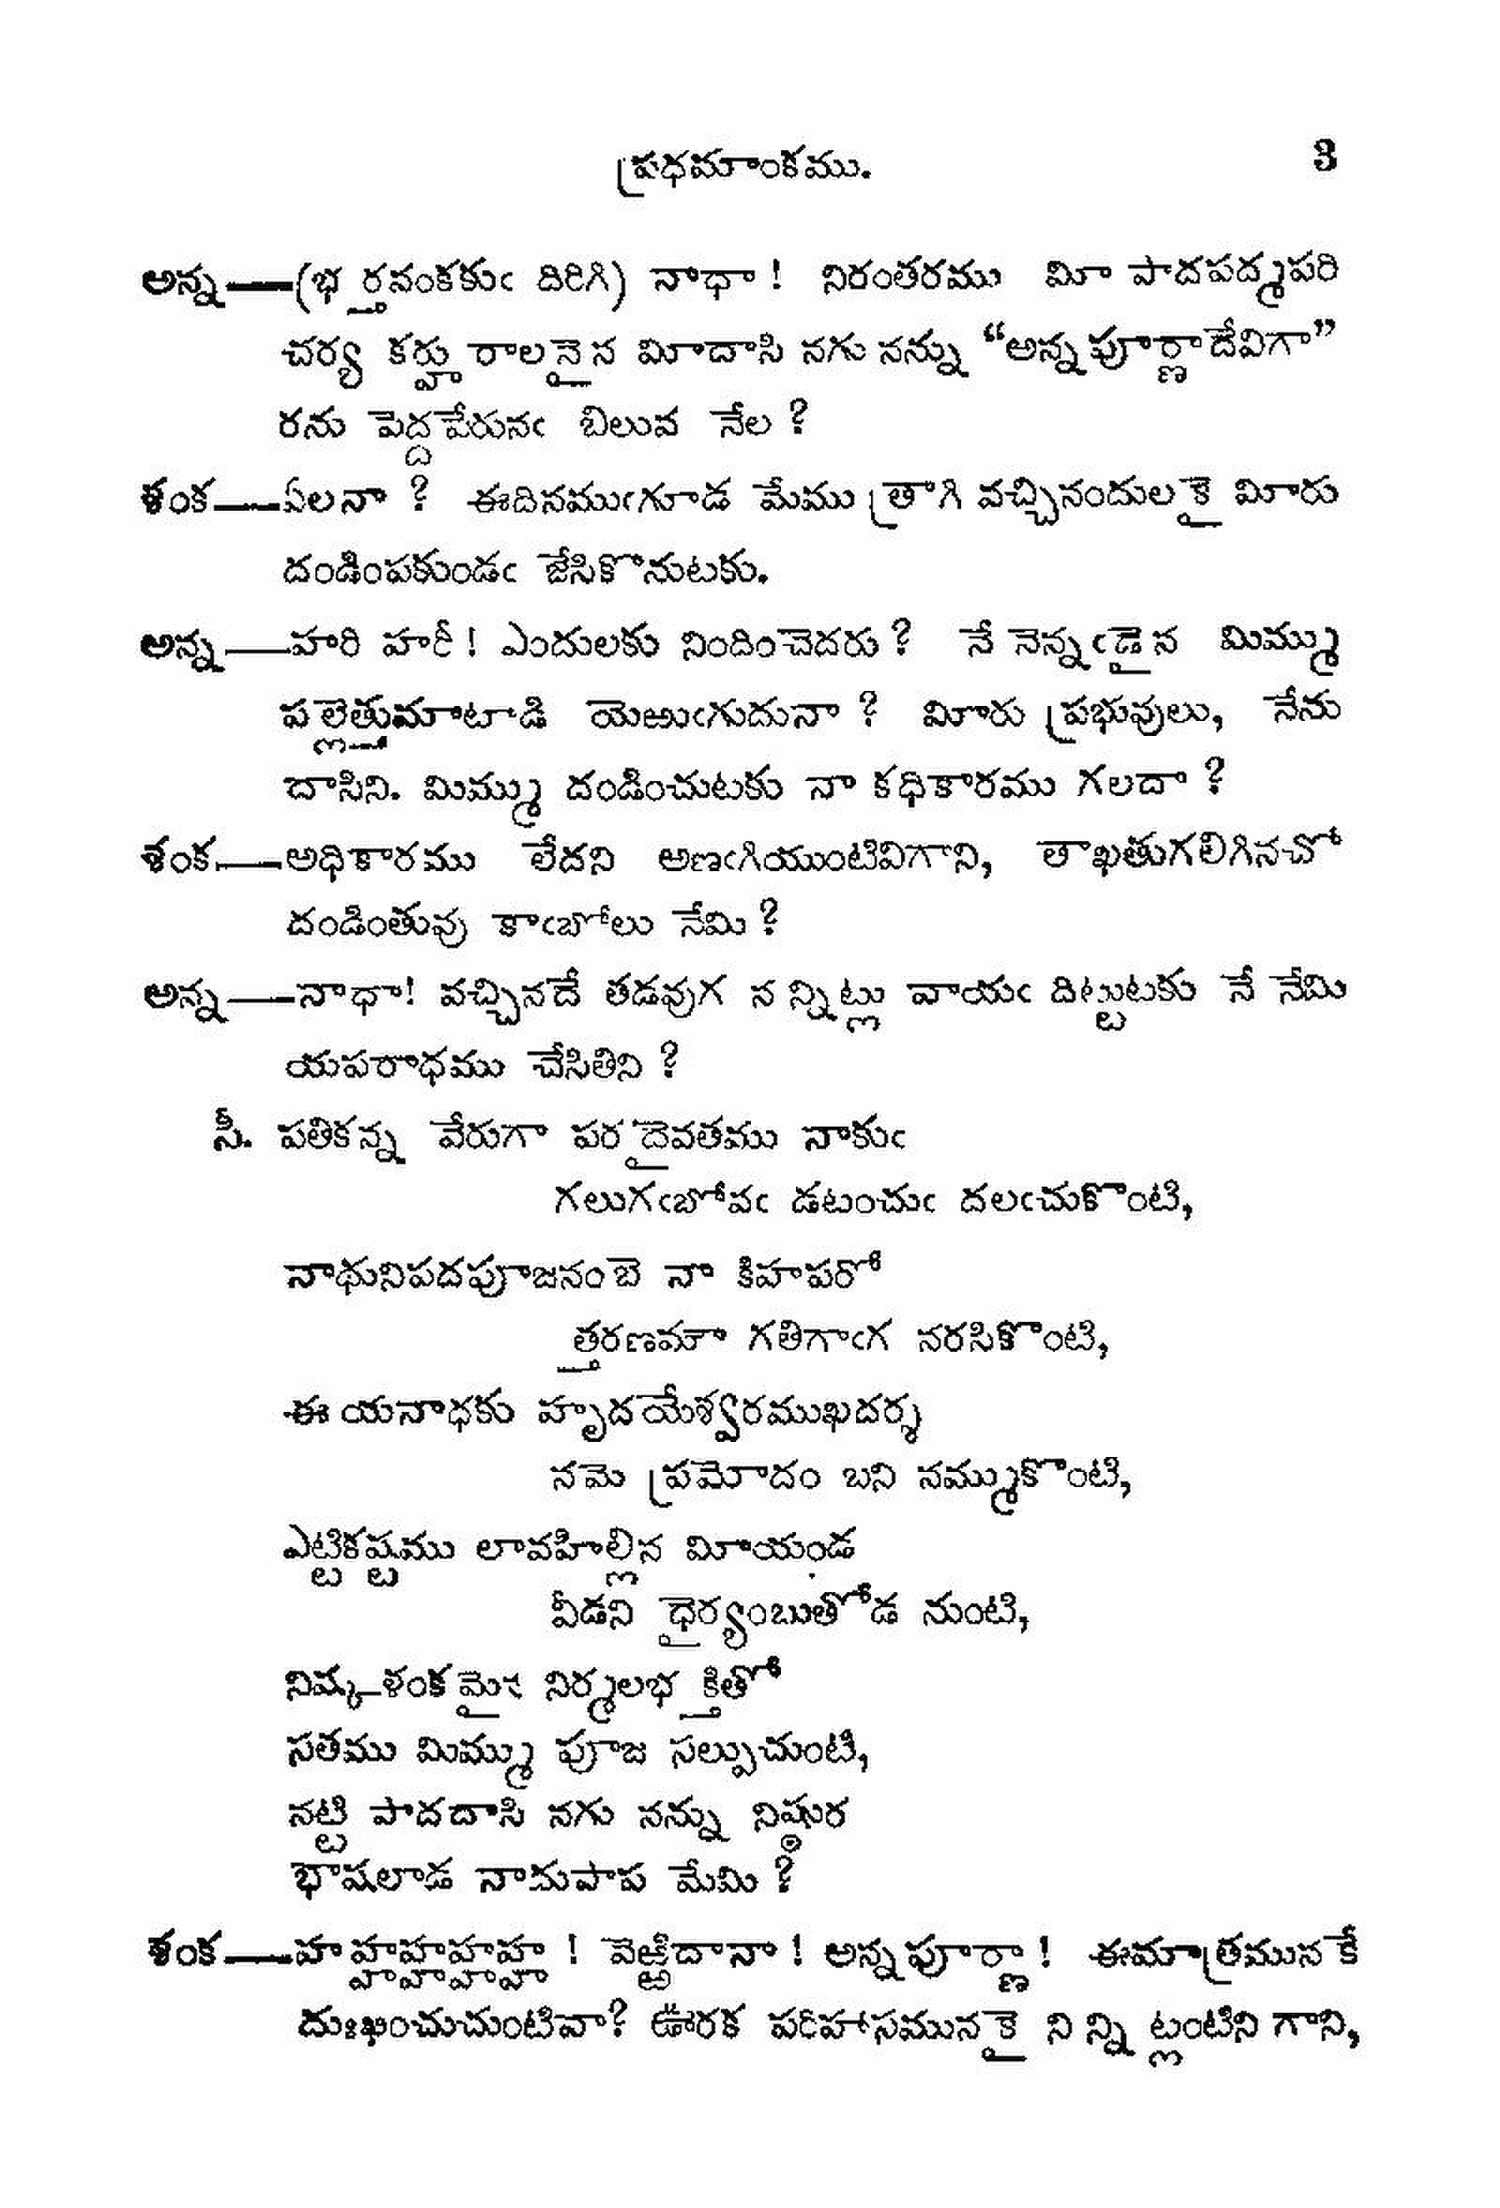అన్న -- (భర్తవంకకుఁ దిరిగి) నాధా ! నిరంతరము మీ పాదపద్మపరిచర్య కర్హు రాలనైన మీదాసి నగు నన్ను “అన్నపూర్ణాదేవిగా” రను పెద్దపేరునఁ బిలువ నేల ?

శంక - ఏలనా ? ఈదినముఁగూడ మేము త్రాగి వచ్చినందులకై మీరు దండింపకుండఁ జేసికొనుటకు.

అన్న - హరి హరీ ! ఎందులకు నిందించెదరు? నే నెన్నఁడైన మిమ్ము పల్లెత్తుమాటాడి యెఱుఁగుదునా ? మీరు ప్రభువులు, నేను దాసిని. మిమ్ము దండించుటకు నా కధికారము గలదా ?

శంక - అధికారము లేదని అణఁగియుంటివిగాని, తాఖతుగలిగినచో దండింతువు కాఁబోలు నేమి ?

అన్న - నాధా! వచ్చినదే తడవుగ నన్నిట్లు వాయఁ దిట్టుటకు నే నేమి యపరాధము చేసితిని ?

సీ. పతికన్న వేరుగా పరదైవతము నాకు
 గలుగఁబోవఁ డటంచుఁ దలఁచుకొంటి,
 నాథునిపదపూజనంబె నా కిహపరో
 త్తరణమౌ గతిగాఁగ నరసికొంటి,
 ఈ యనాధకు హృదయేశ్వరముఖదర్శ
 నమె ప్రమోదం బని నమ్ముకొంటి,
 ఎట్టికష్టము లావహిల్లిన మీయండ
 వీడని ధైర్యంబుతోడ నుంటి,

 నిష్కళంకమైన నిర్మలభ క్తితో
 సతము మిమ్ము పూజ సల్పుచుంటి,
 నట్టి పాదదాసి నగు నన్ను నిష్ఠుర
 భాషలాడ నాదుపాప మేమి?
శంక --హహ్హహ్హహ్హహ్హ ! వెఱ్ఱిదానా ! అన్నపూర్ణా ! ఈమాత్రమునకే దుఃఖించుచుంటివా ? ఊరక పరిహాసమునకై నిన్నిట్లంటిని గాని,